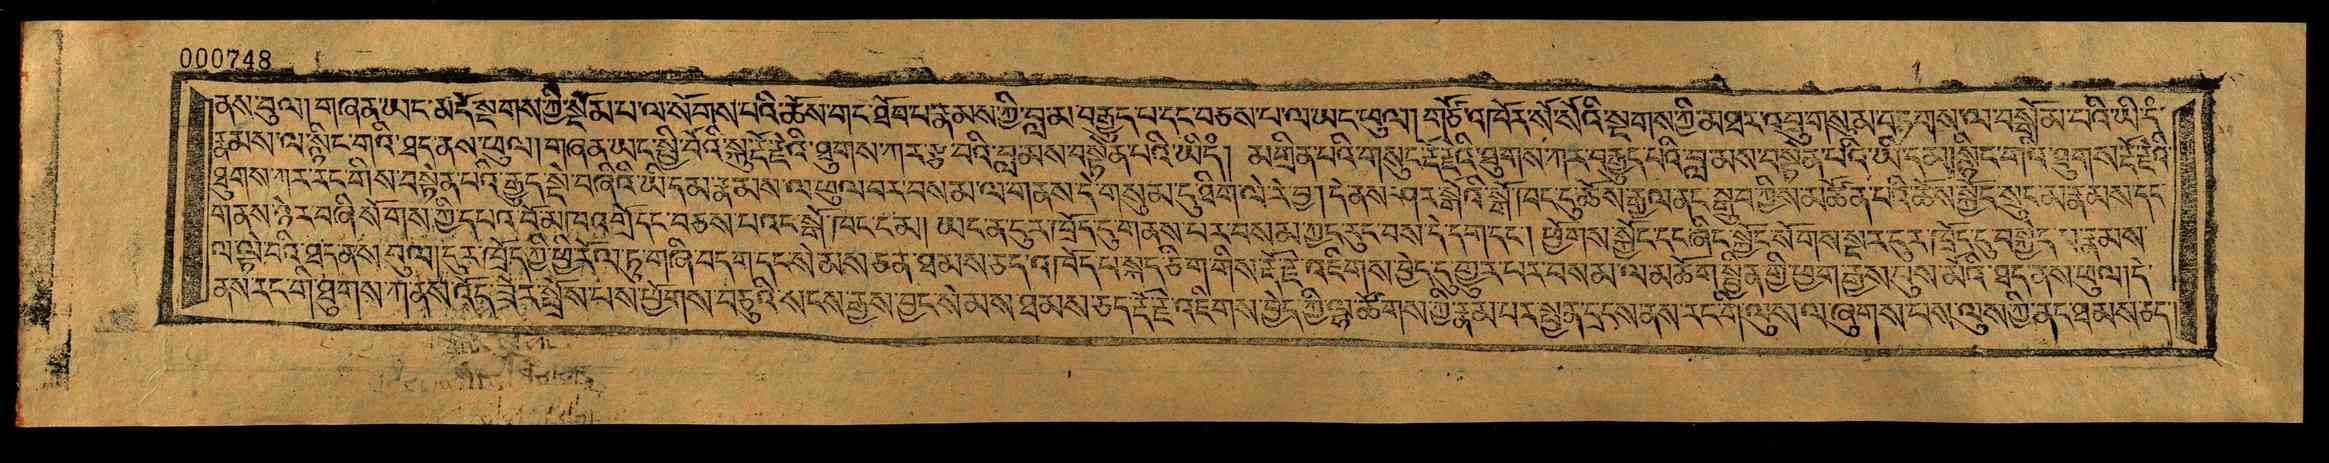ནས་ཕུལ། གཞན་ཡང་མདོ་སྔགས་ཀྱི་སྡོམ་པ་ལ་སོགས་པའི་ཆོས་གང་ཐོབ་པ་རྣམས་ཀྱི་བླ་མ་བརྒྱུད་པ་དང་བཅས་པ་ལ་ཡང་ཕུལ། གཙོ་འཁོར་སོ་སོའི་སྔགས་ཀྱི་མཐར་འབྲུ་གསུམ་བཏགས་ལ་བསྒོམ་པའི་ཡིད་དཾ་
རྣམས་ལ་སྙིང་གའི་ཐད་ནས་ཕུལ། གཞན་ཡང་སྤྱི་བོའི་སྐུ་རྡོ་རྗེའི་ཐུགས་ཀར་རྩ་བའི་བླ་མས་བསྟེན་པའི་ཡི་དམ། མགྲིན་པའི་གསུང་རྡོ་རྗེའི་ཐུགས་ཀར་བརྒྱུད་པའི་བླ་མས་བསྟེན་པའི་ཡི་དམ། སྙིང་གའི་ཐུགས་རྡོ་རྗེའི་
ཐུགས་ཀར་རང་གིས་བསྟེན་པའི་རྒྱུད་སྡེ་བཞིའི་ཡི་དམ་རྣམས་ལ་ཕུལ་བར་བསམ་ལ་གནས་དེ་གསུམ་དུ་ཐིག་ལེ་རེ་བྱ། དེ་ནས་ཤར་སྒོའི་སྒོ་ཁང་དུ་ཆོས་རྒྱལ་ནང་སྒྲུབ་ཀྱིས་མཚོན་པའི་ཆོས་སྐྱོང་སྲུང་མ་རྣམས་དང་
གནས་ཉེར་བཞི་སོགས་ཀྱི་དཔའ་བོ་མཁའ་འགྲོ་དང་བཅས་པའང་སྒོ་ཁང་ངམ། ཡང་ན་དུར་ཁྲོད་དུ་གནས་པར་བསམ་ཀྱང་རུང་བས་དེ་དག་དང་། ཕྱོགས་སྐྱོང་དང་ཞིང་སྐྱོང་སོགས་སྔར་དུར་ཁྲོད་དུ་བསྐྱེད་པ་རྣམས་
ལ་ལྟེ་བའི་ཐད་ནས་ཕུལ། དུར་ཁྲོད་ཀྱི་ཕྱི་རོལ་ཏུ་གཞི་བདག་དང་སེམས་ཅན་ཐམས་ཅད་འཁོད་པ་སྐད་ཅིག་གིས་རྡོ་རྗེ་འཇིགས་བྱེད་དུ་གྱུར་པར་བསམ་ལ་མཆོག་སྦྱིན་གྱི་ཕྱག་རྒྱས་པུས་མོའི་ཐད་ནས་ཕུལ། དེ་
ནས་རང་གི་ཐུགས་ཀ་ནས་འོད་ཟེར་སྤྲོས་པས་ཕྱོགས་བཅུའི་སངས་རྒྱས་བྱང་སེམས་ཐམས་ཅད་རྡོ་རྗེ་འཇིགས་བྱེད་ཀྱི་ལྷ་ཚོགས་ཀྱི་རྣམ་པར་སྤྱན་དྲངས་ནས་རང་གི་ལུས་ལ་ཞུགས་པས་ལུས་ཀྱི་ནང་ཐམས་ཅད་